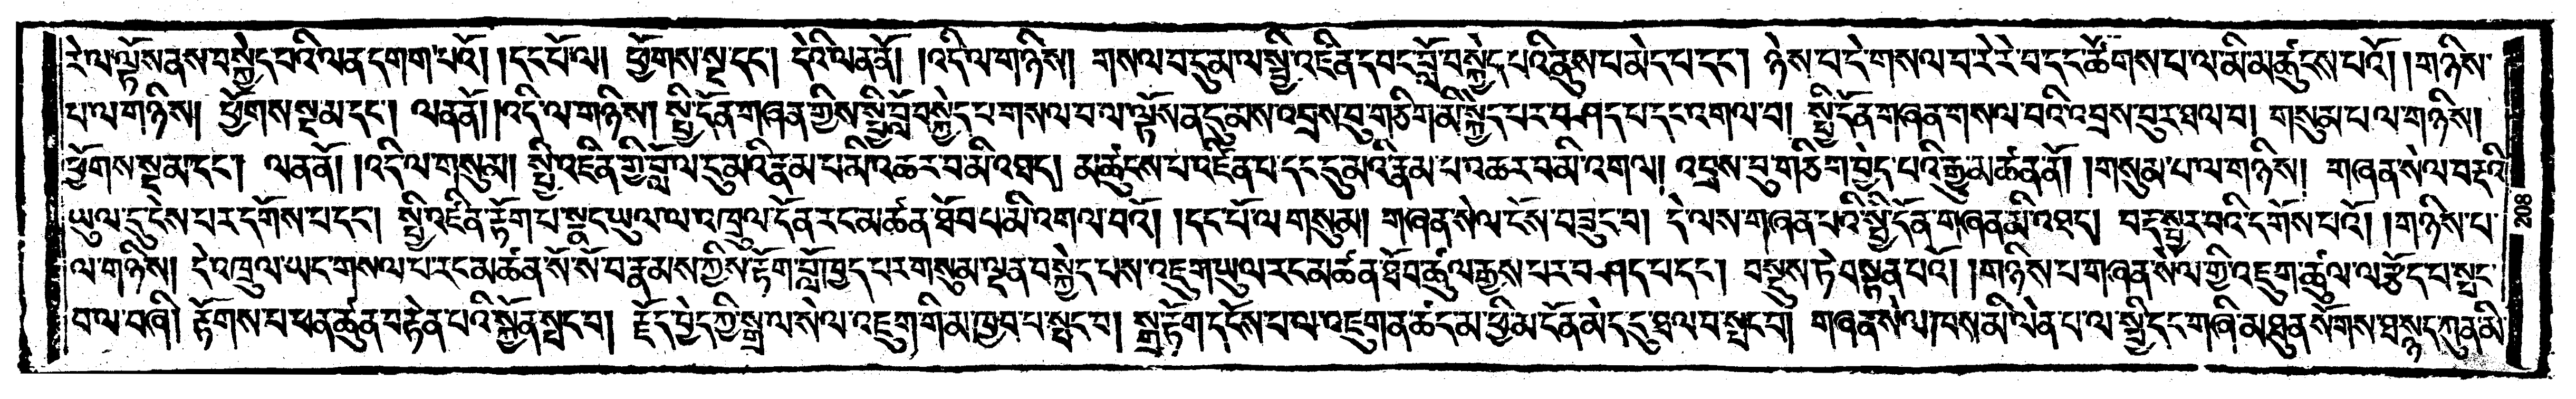རེ་ལ་ལྟོས་ནས་བསྐྱེད་པའི་ལན་དགག་པའོ། །དང་པོ་ལ། ཕྱོགས་སྔ་དང་། དེའི་ལན་ནོ། །འདི་ལ་གཉིས། གསལ་བ་དུ་མ་ལ་སྤྱི་འཛིན་དབང་བློ་བསྐྱེད་པའི་ནུས་པ་མེད་པ་དང་། ཉེས་པ་དེ་གསལ་བ་རེ་རེ་བ་དང་ཚོགས་པ་ལ་མི་མཚུངས་པའོ། །གཉིས་
པ་ལ་གཉིས། ཕྱོགས་སྔ་མ་དང་། ལན་ནོ། །འདི་ལ་གཉིས། སྤྱི་དོན་གཞན་གྱིས་སྤྱི་བློ་བསྐྱེད་པ་གསལ་བ་ལ་ལྟོས་ན་དུ་མས་འབྲས་བུ་གཅིག་མི་སྐྱེད་པར་བཤད་པ་དང་འགལ་བ། སྤྱི་དོན་གཞན་གསལ་བའི་འབྲས་བུར་ཐལ་བ། གསུམ་པ་ལ་གཉིས།
ཕྱོགས་སྔ་མ་དང་། ལན་ནོ། །འདི་ལ་གསུམ། སྤྱི་འཛིན་གྱི་བློ་ལ་དུ་མའི་རྣམ་པ་མི་འཆར་བ་མི་འཐད། མཚུངས་པ་འཛིན་པ་དང་དུ་མའི་རྣམ་པ་འཆར་བ་མི་འགལ། འབྲས་བུ་གཅིག་བྱེད་པའི་རྒྱུ་མཚན་ནོ། །གསུམ་པ་ལ་གཉིས། གཞན་སེལ་བརྡའི་
ཡུལ་དུ་ངེས་པར་དགོས་པ་དང་། སྤྱི་འཛིན་རྟོག་པ་སྣང་ཡུལ་ལ་འཁྲུལ་དོན་རང་མཚན་ཐོབ་པ་མི་འགལ་བའོ། །དང་པོ་ལ་གསུམ། གཞན་སེལ་ངོས་བཟུང་བ། དེ་ལས་གཞན་པའི་སྤྱི་དོན་གཞན་མི་འཐད། བརྡ་སྦྱར་བའི་དགོས་པའོ། །གཉིས་པ་
ལ་གཉིས། དེ་འཁྲུལ་ཡང་གསལ་པ་རང་མཚན་སོ་སོ་བ་རྣམས་ཀྱིས་རྟོག་བློ་ཁྱད་པར་གསུམ་ལྡན་བསྐྱེད་པས་འཇུག་ཡུལ་རང་མཚན་ཐོབ་ཚུལ་རྒྱས་པར་བཤད་པ་དང་། བསྡུས་ཏེ་བསྟན་པའོ། །གཉིས་པ་གཞན་སེལ་གྱི་འཇུག་ཚུལ་ལ་རྩོད་པ་སྤང་
བ་ལ་བཞི། རྟོགས་པ་ཕན་ཚུན་བརྟེན་པའི་སྐྱོན་སྤང་བ། རྗོད་བྱེད་ཀྱི་སྒྲ་ལ་སེལ་འཇུག་གི་མ་ཁྱབ་པ་སྤང་བ། སྒྲ་རྟོག་དངོས་པ་ལ་འཇུག་ན་ཚད་མ་ཕྱི་མ་དོན་མེད་དུ་ཐལ་བ་སྤང་བ། གཞན་སེལ་ཁས་མི་ལེན་པ་ལ་སྤྱི་དང་གཞི་མཐུན་སོགས་ཐ་སྙད་ཀུན་མི་